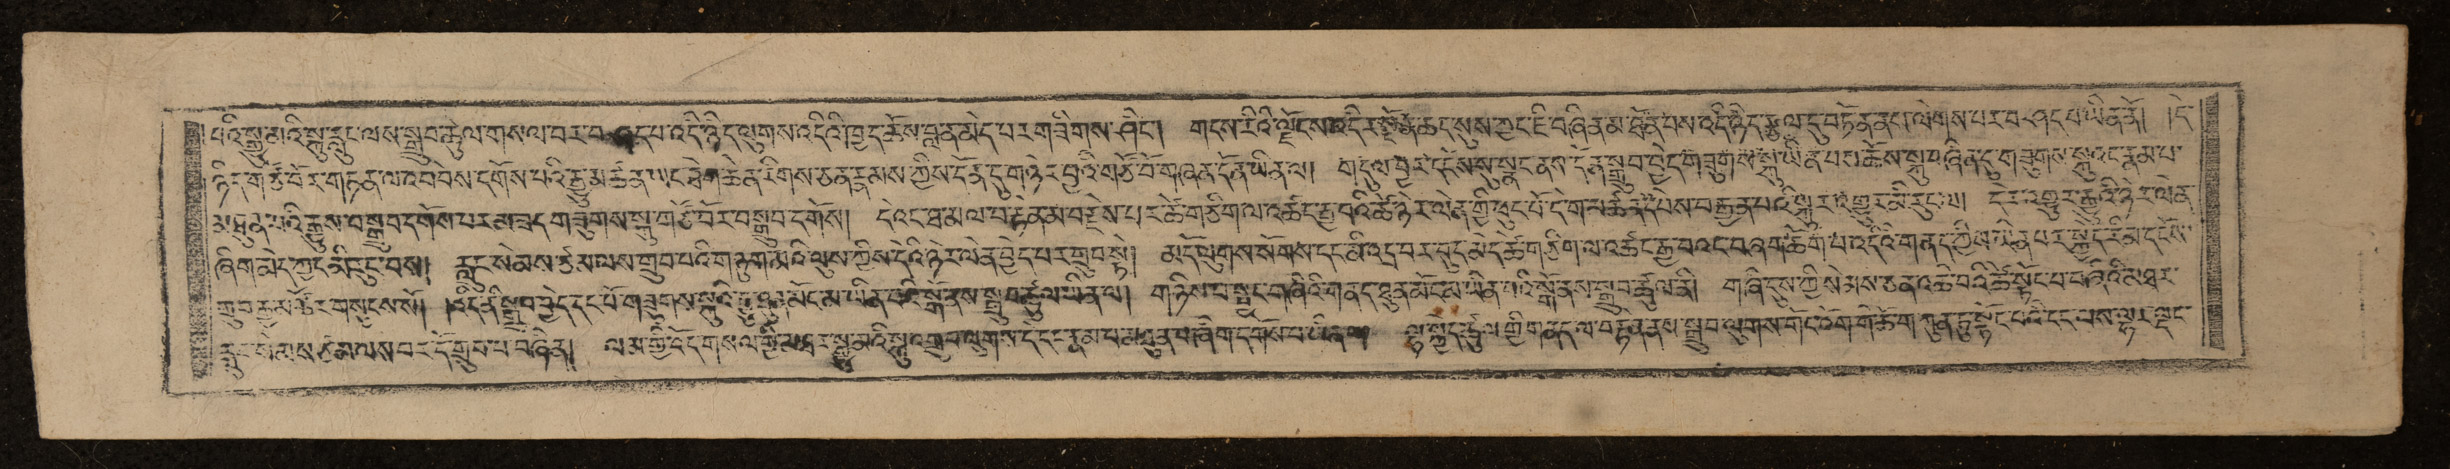པའི་སྒྱུ་མའི་སྐུ་རླུང་ལས་སྒྲུབ་ཚུལ་གསལ་བར་བཤད་པ་འདི་ཉིད་ལུགས་འདིའི་ཁྱད་ཆོས་བླ་ན་མེད་པར་གཟིགས་ཤིང་། གངས་རིའི་ལྗོངས་འདིར་སྔོན་ཆད་སུས་ཀྱང་ཇི་བཞིན་མཐོན་པས་འདི་ཉིད་རྩལ་དུ་བཏོན་ནས་ལེགས་པར་བཤད་པ་ཡིན་ནོ། །དེ་
ཉིད་གཙོ་བོར་གཏན་ལ་འབེབས་དགོས་པའི་རྒྱུ་མཚན་ཡང་ཐེག་ཆེན་རིགས་ཅན་རྣམས་ཀྱིས་དོན་དུ་གཉེར་བྱའི་གཙོ་བོ་གཞན་དོན་ཡིན་ལ། གདུལ་བྱར་དངོས་སུ་སྣང་ནས་དོན་སྒྲུབ་བྱེད་གཟུགས་སྐུ་ཡིན་པས་ཆོས་སྐུ་བཞིན་དུ་གཟུགས་སྐུའང་རྣམ་པ་
མཐུན་པའི་རྒྱུས་བསྒྲུབ་དགོས་པར་མ་ཟད་གཟུགས་སྐུ་གཙོ་བོར་བསྒྲུབ་དགོས། དེའང་ཐ་མ་ལ་བརྟེན་མ་བརྗེས་པར་ཚེ་གཅིག་ལ་འཚང་རྒྱ་བའི་ཚེ་ཉེར་ལེན་གྱི་ཕུང་པོ་དེ་ག་མཚན་དཔེས་བརྒྱན་པའི་སྐུར་འགྱུར་མི་རུང་ལ། དེར་འགྱུར་རྒྱུའི་ཉེར་ལེན་
ཞིག་མེད་ཀྱང་མི་རུང་བས། རླུང་སེམས་ཙམ་ལས་གྲུབ་པའི་གཉུག་མའི་ལུས་ཀྱིས་དེའི་ཉེར་ལེན་བྱེད་པར་གྲུབ་སྟེ། མདོ་ལུགས་སོགས་དང་མི་འདྲ་བར་བུད་མེད་ཚེ་གཅིག་ལ་འཚང་རྒྱ་བའང་བཞག་ཆོག་པ་འདིའི་གནད་ཀྱིས་ཡིན་པར་བསྐྱེད་རིམ་དངོས་
གྲུབ་རྒྱ་མཚོར་གསུངས་སོ། །འདི་ནི་སྒྲུབ་བྱེད་དང་པོ་གཟུགས་སྐུའི་རྒྱུ་ཐུན་མོང་མ་ཡིན་པའི་སྒོ་ནས་སྒྲུབ་ཚུལ་ཡིན་ལ། གཉིས་པ་སྦྱང་གཞིའི་གནད་ཐུན་མོང་མ་ཡིན་པའི་སྒོ་ནས་སྒྲུབ་ཚུལ་ནི། གཞི་དུས་ཀྱི་སེམས་ཅན་འཆི་བའི་ཚེ་སྟོང་པ་བཞིའི་མཐར་
རླུང་སེམས་ཙམ་ལས་བར་དོ་གྲུབ་པ་བཞིན། ལམ་གྱི་འོད་གསལ་གྱི་མཐར་སྒྱུ་མའི་སྐུ་འགྲུབ་ལུགས་དེ་དང་རྣམ་པ་མཐུན་པ་ཞིག་དགོས་པ་ཡིན་ལ། ལྷ་བསྐྱེད་ཚུལ་གྱི་གནད་ལ་བརྟེན་ནས་སྒྲུབ་ལུགས་གོང་འོག་གི་ཆོག་ཀུན་ཏུ་སྟོང་པའི་དང་ལས་ལྷར་ལྡང་